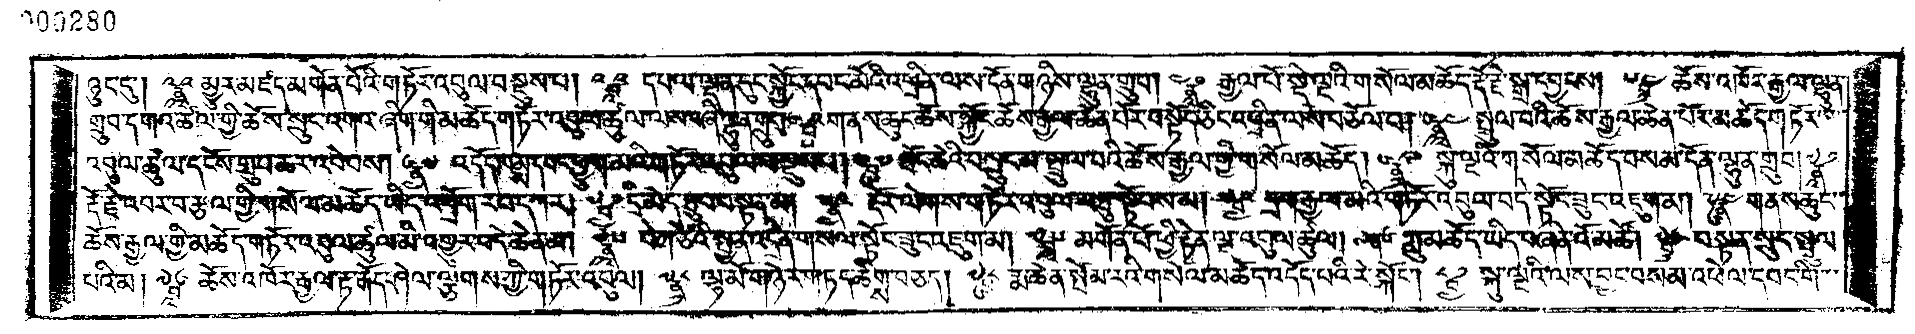ཉུང་དུ། ༢༢ན༣་མྱུར་མཛད་མགོན་པོའི་གཏོར་འབུལ་བསྡུས་པ། ༢༢བ༢་དཔལ་ལྡན་དུང་སྐྱོང་དབང་མོའི་འཕྲིན་ལས་དོན་གཉིས་ལྷུན་གྲུབ། ༤༠ན༢་རྒྱལ་པོ་སྡེ་ལྔའི་གསོལ་མཆོད་རྡོ་རྗེ་སྒྲ་དབྱངས། ༥༤བ༡་ཆོས་འཁོར་རྒྱལ་ལྷུན་
གྲུབ་དགའ་ཚལ་གྱི་ཆོས་སྲུང་འགའ་ཞིག་གི་མཆོད་གཏོར་འབུལ་ཚུལ་ལས་བཞི་ལྷུན་གྲུབ ༦༢བ༥་གནས་ཆུང་ཆོས་སྐྱོང་ཆོས་རྒྱལ་ཆེན་པོར་བསྟོད་ཅིང་འཕྲིན་ལས་བཅོལ་བ། ༦༤ན༣་སྤྲུལ་བའི་ཆོས་རྒྱལ་ཆེན་པོར་མཆོད་གཏོར་
འབུལ་ཚུལ་དངོས་གྲུབ་ཆར་འབེབས། ༦༧ན༤་འདོད་ཁམས་དབང་ཕྱུག་མའི་གཏོར་འབུལ་བསྡུས་པ། ༦༧བ༦་ཐོང་ཆེའི་བསྲུང་མ་སྤྲུལ་བའི་ཆོས་རྒྱལ་གྱི་གསོལ་མཆོད། ༦༩ན༡་སྐུ་ལྔའི་གསོལ་མཆོད་བསམ་དོན་ལྷུན་གྲུབ། ༧༡ན༢
རྡོ་རྗེ་འབར་བ་རྩལ་གྱི་གསོལ་མཆོད་ཡིད་འཕྲོག་རབ་དཀར། ༧༡བ༤་དྲི་མེད་ཐུབ་བསྟན་མ། ༧༢ན༤་རྡོར་ལེགས་གཏོར་འབུལ་མཐུ་སྟོབས་མ། ༧༢བ༤་དྲག་རྒྱལ་མའི་གཏོར་འབུལ་བདེ་སྟོང་ཟུང་འཇུག་མ། ༧༤ན༦་གནས་ཆུང་
ཆོས་རྒྱལ་གྱི་མཆོད་གཏོར་འབུལ་ཚུལ་མི་འགྱུར་བདེ་ཆེན་མ། ༧༥ན༣་བེཀ་ཙེའི་སྤྱན་འདྲེན་གསལ་སྟོང་ཟུང་འཇུག་མ། ༧༥བ༣་མགོན་པོ་ཕྱི་རྟེན་ལྔ་འབུལ་ཚུལ། ༧ན༦་ཀླུ་མཆོད་ཡིད་བཞིན་འོ་མཚོ། ༧༦བ༡་བསྟན་སྲུང་སྤྲུལ་
པའི་མ། ༧༦བ༢་ཆོས་འཁོར་རྒྱལ་རྟ་རྒོད་ཤེལ་ལྕགས་ཀྱི་གཏོར་འབུལ། ༧༨ན༡་ལྷ་མོ་གཉེར་གཏད་ཚིགས་བཅད། ༧༨བ༦་རྨ་ཆེན་སྤོམ་རའི་གསོལ་མཆོད་འདོད་པའི་རེ་སྐོང་། ༨༡བ༤་སྐུ་ལྔའི་ལས་བྱང་བསམ་འཕེལ་དབང་གི་